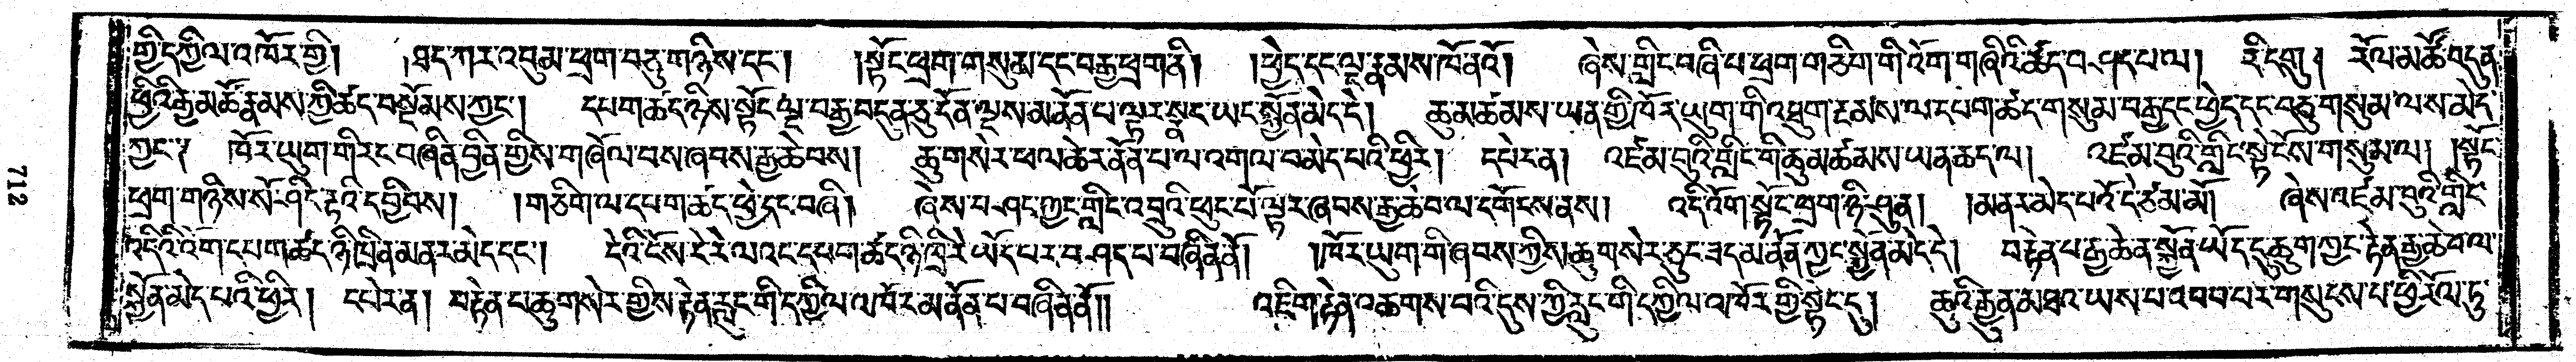གྱི་དཀྱིལ་འཁོར་གྱི། །ཐད་ཀར་འབུམ་ཕྲག་བཅུ་གཉིས་དང་། །སྟོང་ཕྲག་གསུམ་དང་བརྒྱ་ཕྲག་ནི། །ཕྱེད་དང་ལྔ་རྣམས་ཁོ་ནའོ། ཞེས་གླིང་བཞི་པ་ཕྲག་གཅིག་གི་འོག་གཞིའི་ཚད་བཤད་པ་ལ། རི་དགུ། རོལ་མཚོ་བདུན་
ཕྱིའི་རྒྱ་མཚོ་རྣམས་ཀྱི་ཚད་བསྔོམས་ཀྱང་། དཔག་ཚད་ཉིས་སྟོང་ལྔ་བརྒྱ་བདུན་ཅུ་དོན་ལྔས་མ་ནོན་པ་ལྟར་སྣང་ཡང་སྐྱོན་མེད་དེ། ཆུ་མཚམས་ཡན་གྱི་ཁོར་ཡུག་གི་འཐུག་རྔམས་ལ་དཔག་ཚད་གསུམ་བརྒྱ་དང་ཕྱེད་དང་བཅུ་གསུམ་ལས་མེད་
ཀྱང༑ ཁོར་ཡུག་གི་རང་བཞིན་བྱིན་གྱིས་གཞོལ་བས་ཞབས་རྒྱ་ཆེབས། ཆུ་གསེར་ཕལ་ཆེར་ནོན་པ་ལ་འགལ་བ་མེད་པའི་ཕྱིར། དཔེར་ན། འཛམ་བུའི་གླིང་གི་ཆུ་མཚམས་ཡན་ཆད་ལ། འཛམ་བུའི་གླིང་སྟེ་ངོས་གསུམ་ལ། །སྟོང་
ཕྲག་གཉིས་སོ་ཤིང་རྟའི་དབྱིབས། །གཅིག་ལ་དཔག་ཚད་ཕྱེ་དང་བཞི། ཞེས་བཤད་ཀྱང་གླིང་འབྲུའི་ཕུང་པོ་ལྟར་ཞབས་རྒྱ་ཆེ་བ་ལ་དགོངས་ནས། འདི་འོག་སྟོང་ཕྲག་ཉི་ཤུ་ན། །མནར་མེད་པའོ་དེ་ཙམ་མོ། ཞེས་འཛམ་བུའི་གླིང་
འདིའི་འོག་དཔག་ཚད་ཉི་ཁྲི་ན་མནར་མེད་དང་། དེའི་ངོས་རེ་རེ་ལའང་དཔག་ཚད་ཉི་ཁྲི་རེ་ཡོད་པར་བཤད་པ་བཞིན་ནོ། །ཁོར་ཡུག་གི་ཞབས་ཀྱིས་ཆུ་གསེར་ཅུང་ཟད་མ་ནོན་ཀྱང་སྐྱོན་མེད་དེ། བརྟེན་པ་རྒྱ་ཆེན་སྐྱོན་ཡོད་དུ་ཆུག་ཀྱང་རྟེན་རྒྱ་ཆེ་བ་ལ་
སྐྱོན་མེད་པའི་ཕྱིར། དཔེར་ན། བརྟེན་པ་ཆུ་གསེར་གྱིས་རྟེན་རླུང་གི་དཀྱིལ་འཁོར་མ་ནོན་པ་བཞིན་ནོ།། འཇིག་རྟེན་འཆགས་པའི་དུས་ཀྱི་རླུང་གི་དཀྱིལ་འཁོར་གྱི་སྟེང་དུ། ཆུའི་རྒྱུན་མཐའ་ཡས་པ་འབབ་པར་གསུངས་པ་ཕྱི་རོལ་ཏུ་